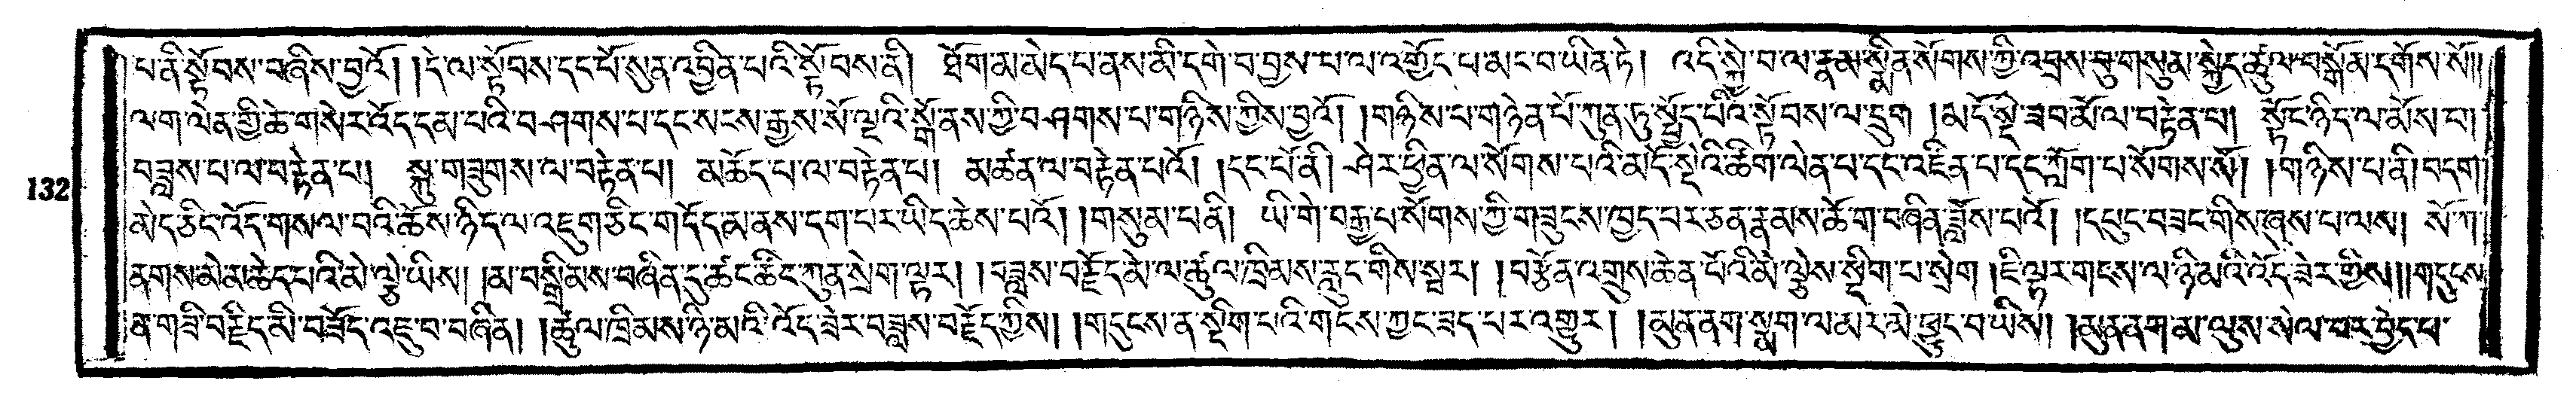པ་ནི་སྟོབས་བཞིས་བྱའོ། །དེ་ལ་སྟོབས་དང་པོ་སུན་འབྱིན་པའི་སྟོབས་ནི། ཐོག་མ་མེད་པ་ནས་མི་དགེ་བ་བྱས་པ་ལ་འགྱོད་པ་མང་བ་ཡིན་ཏེ། འདི་སྐྱེ་བ་ལ་རྣམ་སྨིན་སོགས་ཀྱི་འབྲས་བུ་གསུམ་སྐྱེད་ཚུལ་བསྒོམ་དགོས་སོ།།
ལག་ལེན་གྱི་ཆེ་གསེར་འོད་དམ་པའི་བཤགས་པ་དང་སངས་རྒྱས་སོ་ལྔའི་སྒོ་ནས་ཀྱི་བཤགས་པ་གཉིས་ཀྱིས་བྱའོ། །གཉིས་པ་གཉེན་པོ་ཀུན་ཏུ་སྤྱོད་པའི་སྟོབས་ལ་དྲུག །མདོ་སྡེ་ཟབ་མོ་ལ་བརྟེན་པ། སྟོང་ཉིད་ལ་མོས་བ།
བཟླས་པ་ལ་བརྟེན་པ། སྐུ་གཟུགས་ལ་བརྟེན་པ། མཆོད་པ་ལ་བརྟེན་པ། མཚན་ལ་བརྟེན་པའོ། །དང་པོ་ནི། ཤེར་ཕྱིན་ལ་སོགས་པའི་མདོ་སྡེའི་ཚིག་ལེན་པ་དང་འཛིན་པ་དང་ཀློག་པ་སོགས་སོ། །གཉིས་པ་ནི། བདག་
མེད་ཅིང་འོད་གསལ་བའི་ཆོས་ཉིད་ལ་འཇུག་ཅིང་གདོད་མ་ནས་དག་པར་ཡིད་ཆེས་པའོ། །གསུམ་པ་ནི། ཡི་གེ་བརྒྱ་པ་སོགས་ཀྱི་གཟུངས་ཁྱད་པར་ཅན་རྣམས་ཆོ་ག་བཞིན་ཟློས་པའོ། །དཔུང་བཟང་གིས་ཞུས་པ་ལས། སོ་ཀ་
ནགས་མེ་མཆེད་པའི་མེ་ལྕེ་ཡིས། །མ་བསྒྲིམས་བཞིན་དུ་ཚང་ཚིང་ཀུན་སྲེག་ལྟར། །བཟླས་བརྗོད་མེ་ལ་ཚུལ་ཁྲིམས་རླུང་གིས་སྦར། །བརྩོན་འགྲུས་ཆེན་པོའི་མེ་ལྕེས་སྡིག་པ་སྲེག །ཇི་ལྟར་གངས་ལ་ཉི་མའི་འོད་ཟེར་གྱིས། །གདུངས་
ན་གཟི་བརྗིད་མི་བཟོད་འཇུ་བ་བཞིན། །ཚུལ་ཁྲིམས་ཉི་མའི་འོད་ཟེར་བཟླས་བརྗོད་ཀྱིས། །གདུངས་ན་སྡིག་པའི་གངས་ཀྱང་ཟད་པར་འགྱུར། །མུན་ནག་སྨག་ལ་མར་མེ་ཕྱུང་བ་ཡིས། །མུན་ནག་མ་ལུས་སེལ་བར་བྱེད་པ་